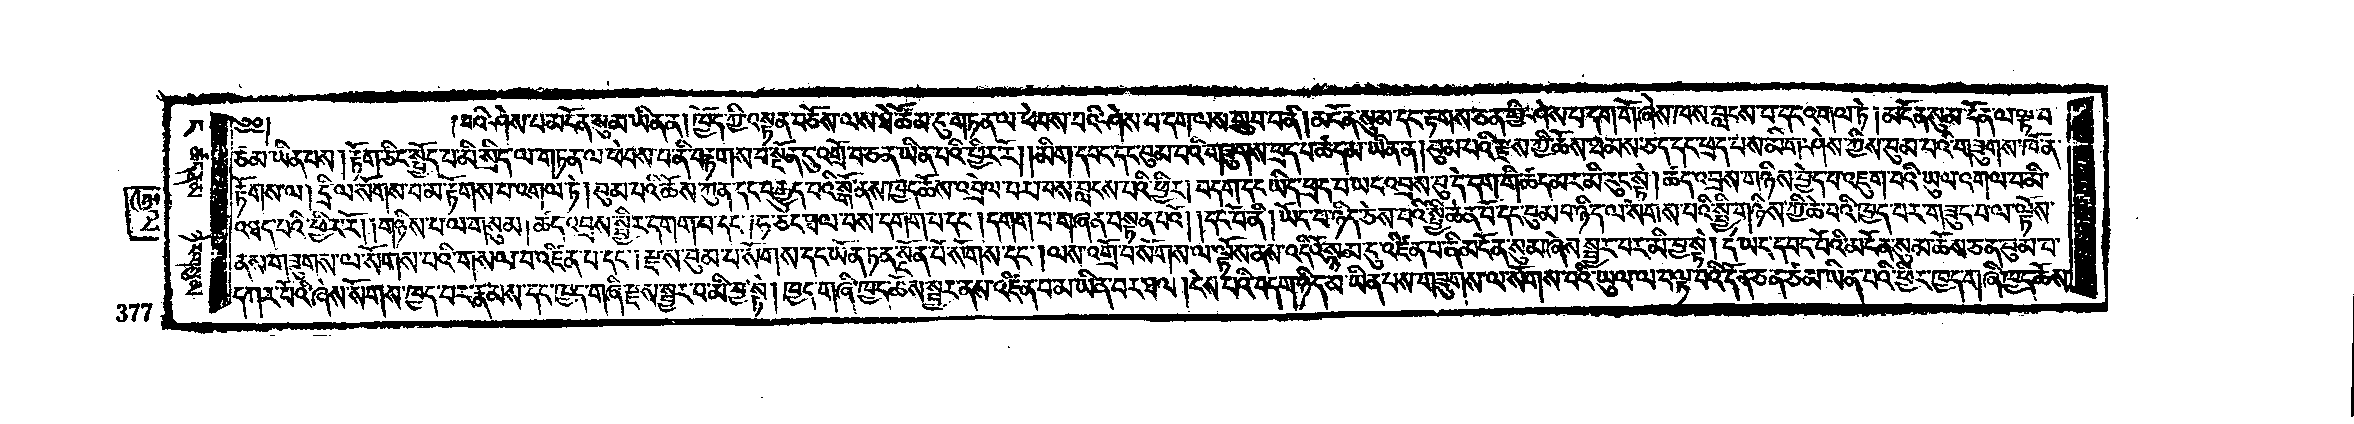༄༅། །བའི་ཤེས་པ་མངོན་སུམ་ཡིན་ན། ཁྱོད་ཀྱི་བསྟན་བཅོས་ལས་ཐེ་ཚོམ་དུ་གཏན་ལ་ཕེབས་པའི་ཤེས་པ་དག་ལས་གྲུབ་པ་ནི། མངོན་སུམ་དང་རྟགས་ཅན་གྱི་ཤེས་པ་དག་གོ་ཞེས་ཁས་བླངས་པ་དང་འགལ་ཏེ། མངོན་སུམ་དོན་ལ་ལྟ་བ་
ཙམ་ཡིན་པས། རྟོག་ཅིང་སྤྱོད་པ་མི་སྲིད་ལ་གཏན་ལ་ཕེབས་པ་ནི་བརྟགས་པ་སྔོན་དུ་འགྲོ་བ་ཅན་ཡིན་པའི་ཕྱིར་རོ། །མིག་དབང་དང་བུམ་པའི་གཟུགས་ཕྲད་པ་ཚད་མ་ཡིན་ན། བུམ་པའི་རྫས་ཀྱི་ཆོས་ཐམས་ཅད་དང་ཕྲད་པས་མིག་ཤེས་ཀྱིས་བུམ་པའི་གཟུགས་ཁོ་ན་
རྟོགས་ལ། དྲི་ལ་སོགས་པ་མ་རྟོགས་པ་འགལ་ཏེ། བུམ་པའི་ཆོས་ཀུན་དང་བརྒྱུད་པའི་སྒོ་ནས་ཁྱད་ཆོས་འབྲེལ་པར་ཁས་བླངས་པའི་ཕྱིར། བདག་དང་ཡིད་ཕྲད་པ་ཡང་འབྲས་བུ་དེ་དག་གི་ཚད་མར་མི་རུང་སྟེ། ཚད་འབྲས་གཉིས་བྱེད་པ་འཇུག་པའི་ཡུལ་འགལ་བ་མི་
འཐད་པའི་ཕྱིར་རོ། །གཉིས་པ་ལ་གསུམ། ཚད་འབྲས་སྤྱིར་དགག་པ་དང་། ཧ་ཅིང་ཐལ་བས་དགག་པ་དང་། དགག་པ་གཞན་བསྟན་པའོ། །དང་པོ་ནི། ཡོད་པ་ཉིད་ཅེས་པའི་སྤྱི་ཆེན་པོ་དང་བུམ་པ་ཉིད་ལ་སོགས་པའི་སྤྱི་གཉིས་ཀྱི་ཆེ་བའི་ཁྱད་པར་གཟུང་བ་ལ་ལྟོས་
ནས་གཟུགས་ལ་སོགས་པའི་གསལ་བ་འཛིན་པ་དང་། རྫས་བུམ་པ་སོགས་དང་ཡོན་ཏན་སྔོན་པོ་སོགས་དང་། ལས་འགྲོ་བ་སོགས་ལ་ལྟོས་ནས་འདིའོ་སྙམ་དུ་འཛིན་པ་ནི་མངོན་སུམ་ཞེས་སྦྱར་བར་མི་བྱ་སྟེ། དེ་ཡང་དབང་པོའི་མངོན་སུམ་ཆོས་ཅན་བུམ་པ་
དཀར་པོའི་ཞེས་སོགས་ཁྱད་པར་རྣམས་དང་ཁྱད་གཞི་རྫས་སྦྱར་བ་མི་བྱ་སྟེ། ཁྱད་གཞི་ཁྱད་ཆོས་སྦྱར་ནས་འཛིན་པ་མ་ཡིན་པར་ཐལ། ངེས་པའི་བདག་ཉིད་མ་ཡིན་པས་གཟུགས་ལ་སོགས་པའི་ཡུལ་ལ་བལྟ་བའི་དོན་ཅན་ཙམ་ཡིན་པའི་ཕྱིར་ཁྱད་གཞི་ཁྱད་ཆོས་